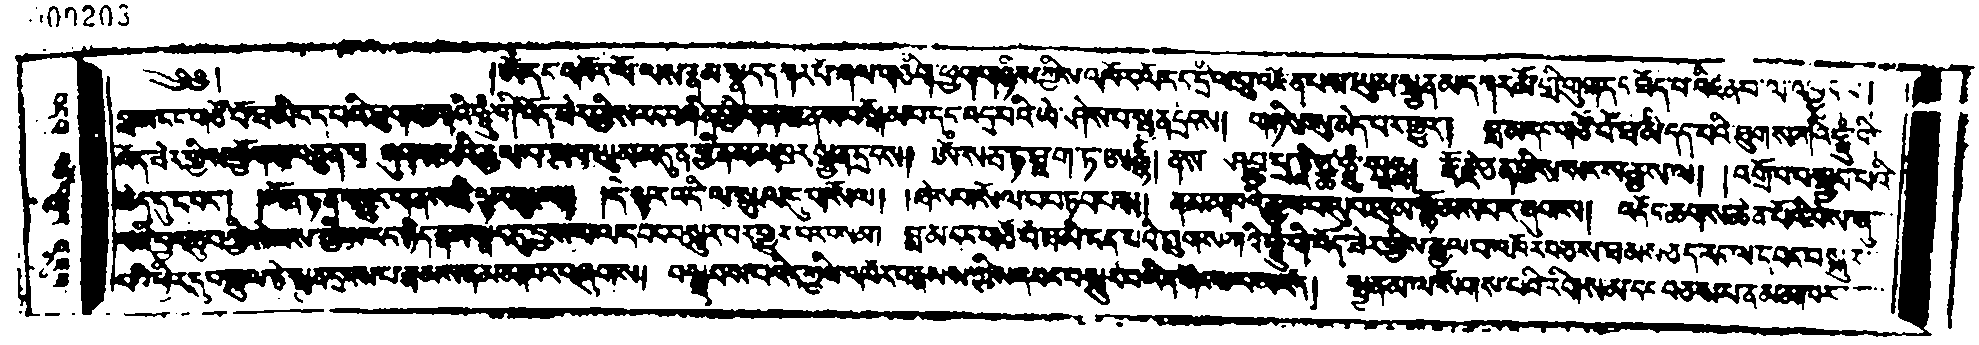༄༅། །ཨོཾ་དང་འཁོར་ལོ་ལས་རྣམ་སྣང་དཀར་པོ་ཞལ་གཅིག་ཕྱག་གཉིས་ཀྱིས་འཁོར་ལོ་དང་དྲིལ་བུ་འཛིན་པས་ཡུམ་སྤྱན་མ་དཀར་མོ་གྲི་གུག་དང་ཐོད་པ་འཛིན་པ་ལ་འབྱུང་པ།
བླ་མ་དང་གཙོ་བོ་ཐ་མི་དད་པའི་ཐུགས་ཀའི་ཧཱུཾ་གི་འོད་ཟེར་གྱིས་རང་བཞིན་གྱི་གནས་ནས་བསྒོམ་པ་དང་འདྲ་བའི་ཡེ་ཤེས་པ་སྤྱན་དྲངས། གཉིས་སུ་མེད་པར་གྱུར། བླ་མ་དང་གཙོ་བོ་ཐ་མི་དད་པའི་ཐུགས་ཀའི་ཧཱུཾ་གི་
འོད་ཟེར་གྱིས་ཕྱོགས་བཅུ་ན་བཞུགས་པའི་རྒྱལ་བ་ཡབ་ཡུམ་མདུན་གྱི་ནམ་མཁར་སྤྱན་དྲངས། ཨོཾ་སརྦ་ཏ་ཐཱ་ག་ཏ་ཨརྒྷཾ། ནས་ཤཔྟ་པྲ་ཏཱི་ཙྪ་ཧཱུཾ་སྭཱཧཱ། རྡོ་རྗེ་ཅན་གྱིས་སངས་རྒྱས་ལ། །འགྲོ་བ་བསྐྱབ་པའི་
ཆེད་དུ་དབང་། །ཡོན་ཏན་འབྱུང་གནས་ཇི་ལྟར་སྩལ། །དེ་ལྟར་འདི་ལ་སྩལ་དུ་གསོལ། །ཞེས་གསོལ་བ་བཏབ་པས། ནམ་མཁའི་རྒྱལ་བ་ཡབ་ཡུམ་སྙོམས་པར་ཞུགས། འདོད་ཆགས་ཆེན་པོའི་མེས་ཞུ་
བའི་བྱང་ཆུབ་ཀྱི་སེམས་ཀྱིས་རང་ཉིད་རྣམ་སྣང་དུ་བྱས་པ་ལ་དབང་བསྐུར་བར་གྱུར་བར་བསམ། བླ་མ་དང་གཙོ་བོ་ཐ་མི་དད་པའི་ཐུགས་ཀའི་ཧཱུཾ་གི་འོད་ཟེར་གྱིས་རྒྱལ་བ་འཁོར་བཅས་ཐམས་ཅད་རང་ལ་དབང་བསྐུར་
བའི་ཕྱིར་དུ་བསྐུལ་ཏེ་སྤྱན་དྲངས་པ་རྣམས་ནམ་མཁར་བཞུགས། བསྒྲུབས་པའི་དཀྱིལ་འཁོར་བ་རྣམས་ཀྱིས་དབང་བསྐུར་བའི་དགོངས་པ་མཛད། སྤྱན་མ་ལ་སོགས་པའི་རིགས་མ་དང་བཅས་པ་ནམ་མཁར་